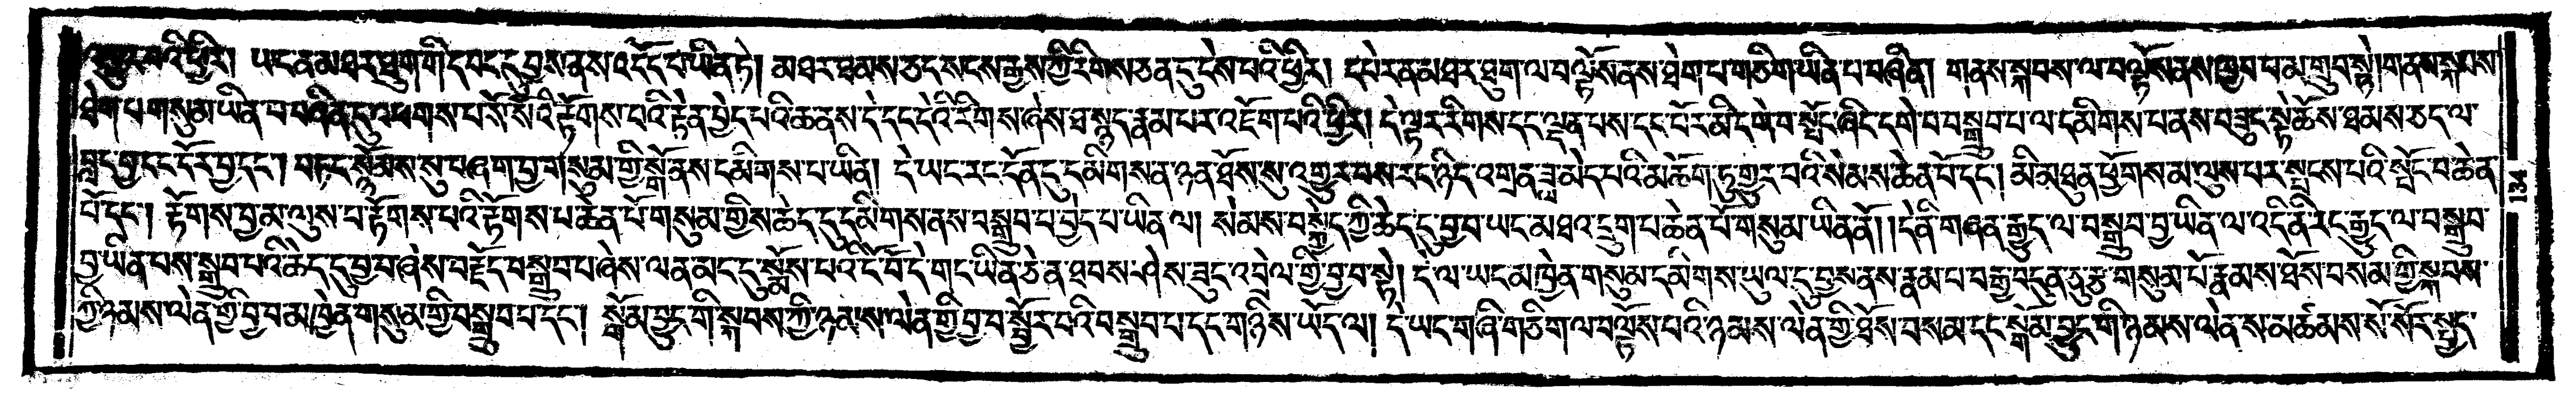འགྱུར་བའི་ཕྱིར། ཡང་ན་མཐར་ཐུག་གི་དབང་དུ་བྱས་ནས་འདོད་པ་ཡིན་ཏེ། མཐར་ཐམས་ཅད་སངས་རྒྱས་ཀྱི་རིགས་ཅན་དུ་ངེས་པའི་ཕྱིར། དཔེར་ན་མཐར་ཐུག་ལ་བལྟོས་ནས་ཐེག་པ་གཅིག་ཡིན་པ་བཞིན། གནས་སྐབས་ལ་བལྟོས་ནས་ཁྱབ་པ་མ་གྲུབ་སྟེ། གནས་སྐབས་
ཐེག་པ་གསུམ་ཡིན་པ་བཞིན་དུ་འཕགས་པ་སོ་སོའི་རྟོགས་པའི་རྟེན་བྱེད་པའི་ཆ་ནས་དེ་དང་དེའི་རིགས་ཞེས་ཐ་སྙད་རྣམ་པར་འཇོག་པའི་ཕྱིར། དེ་ལྟར་རིགས་དང་ལྡན་པས་དང་པོར་མི་དགེ་བ་སྤོང་ཞིང་དགེ་བ་བསྒྲུབ་པ་ལ་དམིགས་པ་ནས་བཟུང་སྟེ་ཆོས་ཐམས་ཅད་ལ་
བླང་བྱ་དང་དོར་བྱ་དང་། བཏང་སྙོམས་སུ་བཞག་བྱ་གསུམ་གྱི་སྒོ་ནས་དམིགས་པ་ཡིན། དེ་ཡང་རང་དོན་དུ་དམིགས་ན་ཉན་ཐོས་སུ་འགྱུར་བས་རང་ཉིད་འགྲན་ཟླ་མེད་པའི་མཆོག་ཏུ་གྱུར་པའི་སེམས་ཆེན་པོ་དང་། མི་མཐུན་ཕྱོགས་མ་ལུས་པར་སྤངས་པའི་སྤོང་བ་ཆེན་
པོ་དང་། རྟོགས་བྱ་མ་ལུས་པ་རྟོགས་པའི་རྟོགས་པ་ཆེན་པོ་གསུམ་གྱིས་ཆེད་དུ་དམིགས་ནས་བསྒྲུབ་པ་བྱེད་པ་ཡིན་ལ། སེམས་བསྐྱེད་ཀྱི་ཆེད་དུ་བྱ་བ་ཡང་མཐའ་དྲུག་པ་ཆེན་པོ་གསུམ་ཡིན་ནོ། །དེ་ནི་གཞན་རྒྱུད་ལ་བསྒྲུབ་བྱ་ཡིན་ལ་འདི་ནི་རང་རྒྱུད་ལ་བསྒྲུབ་
བྱ་ཡིན་པས་སྒྲུབ་པའི་ཆེད་དུ་བྱ་བ་ཞེས་བརྗོད་བསྒྲུབ་པ་ཞེས་ལན་མང་དུ་སྨོས་པའི་ངོ་བོ་དེ་གང་ཡིན་ཅེ་ན་ཐབས་ཤེས་ཟུང་འབྲེལ་གྱི་བྱ་བ་སྟེ། དེ་ལ་ཡང་མཁྱེན་གསུམ་དམིགས་ཡུལ་དུ་བྱས་ནས་རྣམ་པ་བརྒྱ་བདུན་ཅུ་རྩ་གསུམ་པོ་རྣམས་ཐོས་བསམ་གྱི་སྐབས་
ཀྱི་ཉམས་ལེན་གྱི་བྱ་བ་མཁྱེན་གསུམ་གྱི་བསྒྲུབ་པ་དང་། སྒོམ་བྱུང་གི་སྐབས་ཀྱི་ཉམས་ལེན་གྱི་བྱ་བ་སྦྱོར་བའི་བསྒྲུབ་པ་དང་གཉིས་ཡོད་ལ། དེ་ཡང་གཞི་གཅིག་ལ་བལྟོས་པའི་ཉམས་ལེན་གྱི་ཐོས་བསམ་དང་སྒོམ་བྱུང་གི་ཉམས་ལེན་ས་མཚམས་སོ་སོར་སྤྱད་